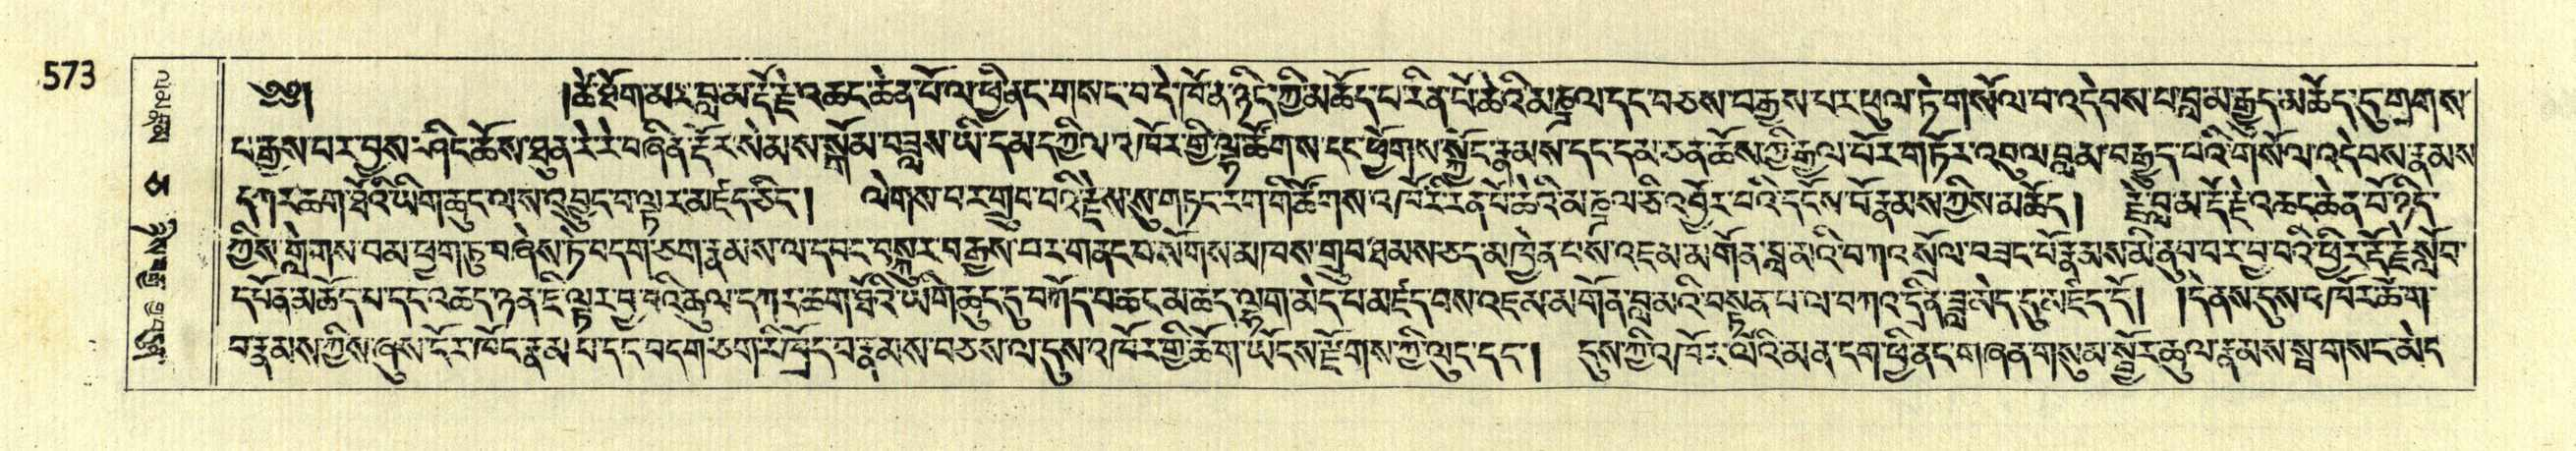༄༅། །ཚེ་ཐོག་མར་བླ་མ་རྡོ་རྗེ་འཆང་ཆེན་པོ་ལ་ཕྱི་ནང་གསང་བ་དེ་ཁོ་ན་ཉིད་ཀྱི་མཆོད་པ་རིན་པོ་ཆེའི་མཎྜལ་དང་བཅས་པ་རྒྱས་པར་ཕུལ་ཏེ་གསོལ་བ་འདེབས་པ་བླ་མ་རྒྱུད་མཆོད་དུ་གྲགས་
པ་རྒྱས་པར་བྱས་ཤིང་ཆོས་ཐུན་རེ་རེ་བཞིན་རྡོར་སེམས་སྒོམ་བཟླས་ཡི་དམ་དཀྱིལ་འཁོར་གྱི་ལྷ་ཚོགས་དང་ཕྱོགས་སྐྱོང་རྣམས་དང་དམ་ཅན་ཆོས་ཀྱི་རྒྱལ་པོར་གཏོར་འབུལ་བླ་མ་བརྒྱུད་པའི་གསོལ་འདེབས་རྣམས་
དཀར་ཆག་ཐོའི་ཡིག་ཆུང་ལས་འབྱུང་བ་ལྟར་མཛད་ཅིང་། ལེགས་པར་གྲུབ་བའི་རྗེས་སུ་གཏང་རག་གི་ཚོགས་འཁོར་རིན་པོ་ཆེའི་མཎྜལ་ཅི་འབྱོར་པའི་དངོས་པོ་རྣམས་ཀྱིས་མཆོད། རྗེ་བླ་མ་རྡོ་རྗེ་འཆང་ཆེན་བོ་ཉིད་
ཀྱིས་གླེགས་བམ་ཕྱག་ཏུ་བཞེས་ཏེ་བདག་ཅག་རྣམས་ལ་དབང་བསྐུར་བརྒྱས་བར་གནང་བ་སོགས་མཁས་གྲུབ་ཐམས་ཅད་མཁྱེན་པས་འཇམ་མགོན་བླ་མའི་བཀའ་སྲོལ་བཟང་པོ་རྣམས་མི་ནུབ་པར་བྱ་བའི་ཕྱིར་རྡོ་རྗེ་སློབ་
དཔོན་མཆོད་པ་དང་འཆད་ཉན་ཇི་ལྟར་བྱ་བའི་ཆུལ་དཀར་ཆག་ཐོའི་ཡིག་ཆུང་དུ་བཀོད་བ་ཆང་མ་ཆད་ལྷག་མེད་པ་མཛད་བས་འཇམ་མགོན་བླ་མའི་བསྟན་པ་ལ་བཀའ་དྲིན་ཟླ་མེད་དུ་མཛད་དོ། །དེ་ནས་དུས་འཁོར་ཆོ་ག་
བ་རྣམས་ཀྱིས་ཞུས་ངོར་ཁོང་རྣམ་པ་དང་བདག་ཅག་རི་ཁྲོད་བ་རྣམས་བཅས་ལ་དུས་འཁོར་གྱི་ཆོག་ཡོངས་རྫོགས་ཀྱི་ལུང་དང་། དུས་ཀྱི་འཁོར་ལོའི་མན་ངག་ཕྱི་ནང་གཞན་གསུམ་སྦྱོར་ཚུལ་རྣམས་སྦ་གསང་མེད་